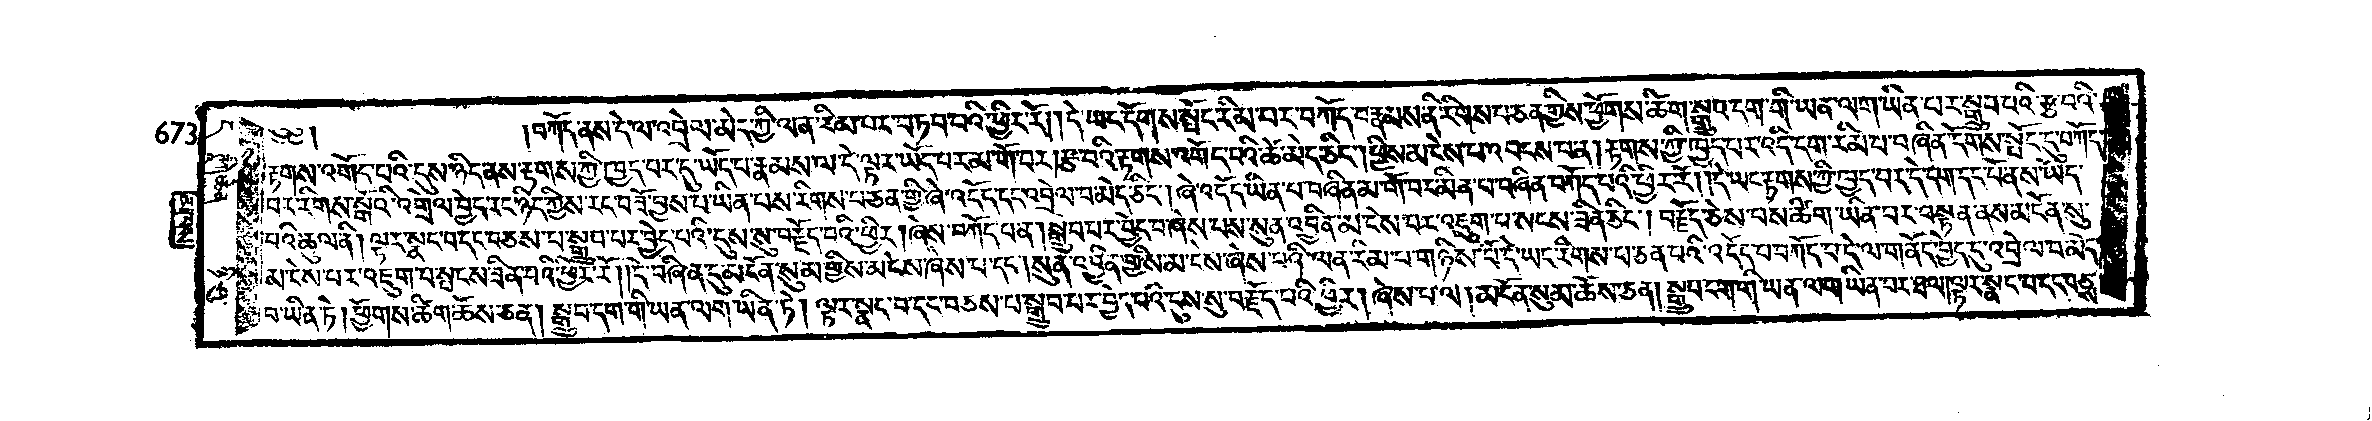༄༅། །བཀོད་ནས་དེ་ལ་འབྲེལ་མེད་ཀྱི་ལན་རིམ་པར་བཏབ་པའི་ཕྱིར་རོ། །དེ་ཡང་དོགས་སྤོང་རིམ་པར་བཀོད་པ་རྣམས་ནི་རིགས་པ་ཅན་གྱིས་ཕྱོགས་ཚིག་སྒྲུབ་ངག་གི་ཡན་ལག་ཡིན་པར་སྒྲུབ་པའི་རྩ་བའི་
རྟགས་འགོད་པའི་དུས་ཉིད་ནས་རྟགས་ཀྱི་ཁྱད་པར་དུ་ཡོད་པ་རྣམས་ལ་དེ་ལྟར་ཡོད་པར་མ་གོ་བར། རྩ་བའི་རྟགས་འགོད་པའི་ཚེ་མེད་ཅིང་། ཕྱིས་མ་ངེས་པ་འབངས་པ་ན། རྟགས་ཀྱི་ཁྱད་པར་འདི་དག་རིམ་པ་བཞིན་དོགས་སྤོང་དུ་བཀོད་
པར་རིགས་སྒོའི་འགྲེལ་བྱེད་རང་ཉིད་ཀྱིས་རང་བཟོ་བྱས་པ་ཡིན་པས་རིགས་པ་ཅན་གྱི་ཞེ་འདོད་དང་འབྲེལ་བ་མེད་ཅིང་། ཞེ་འདོད་ཡིན་པ་བཞིན་མ་གོ་བར་མིན་པ་བཞིན་བཀོད་པའི་ཕྱིར་རོ། །དེ་ཡང་རྟགས་ཀྱི་ཁྱད་པར་དེ་དག་དང་པོ་ནས་ཡོད་
པའི་ཚུལ་ནི། ལྟར་སྣང་བ་དང་བཅས་པ་སྒྲུབ་པར་བྱེད་པའི་དུས་སུ་བརྗོད་པའི་ཕྱིར། ཞེས་བཀོད་པ་ན། སྒྲུབ་པར་བྱེད་པ་ཞེས་པས་སུན་འབྱིན་མ་ངེས་པར་འཇུག་པ་སངས་ཟིན་ཅིང་། བརྗོད་ཅེས་པས་ཚིག་ཡིན་པར་བསྟན་ནས་མངོན་སུམ་
མ་ངེས་པར་འཇུག་པ་སྤངས་ཟིན་པའི་ཕྱིར་རོ། །དེ་བཞིན་དུ་མངོན་སུམ་གྱིས་མ་ངེས་ཞེས་པ་དང་། སུན་འབྱིན་གྱིས་མ་ངེས་ཞེས་པའི་ལན་རིམ་པ་གཉིས་པོ་དེ་ཡང་རིགས་པ་ཅན་པའི་འདོད་པ་བཀོད་པ་དེ་ལ་གནོད་བྱེད་དུ་འབྲེལ་བ་མེད་
པ་ཡིན་ཏེ། ཕྱོགས་ཚིག་ཆོས་ཅན། སྒྲུབ་ངག་གི་ཡན་ལག་ཡིན་ཏེ། ལྟར་སྣང་བ་དང་བཅས་པ་སྒྲུབ་པར་བྱེད་པའི་དུས་སུ་བརྗོད་པའི་ཕྱིར། ཞེས་པ་ལ། མངོན་སུམ་ཆོས་ཅན། སྒྲུབ་ངག་གི་ཡན་ལག་ཡིན་པར་ཐལ། ལྟར་སྣང་བ་དང་བཅས་